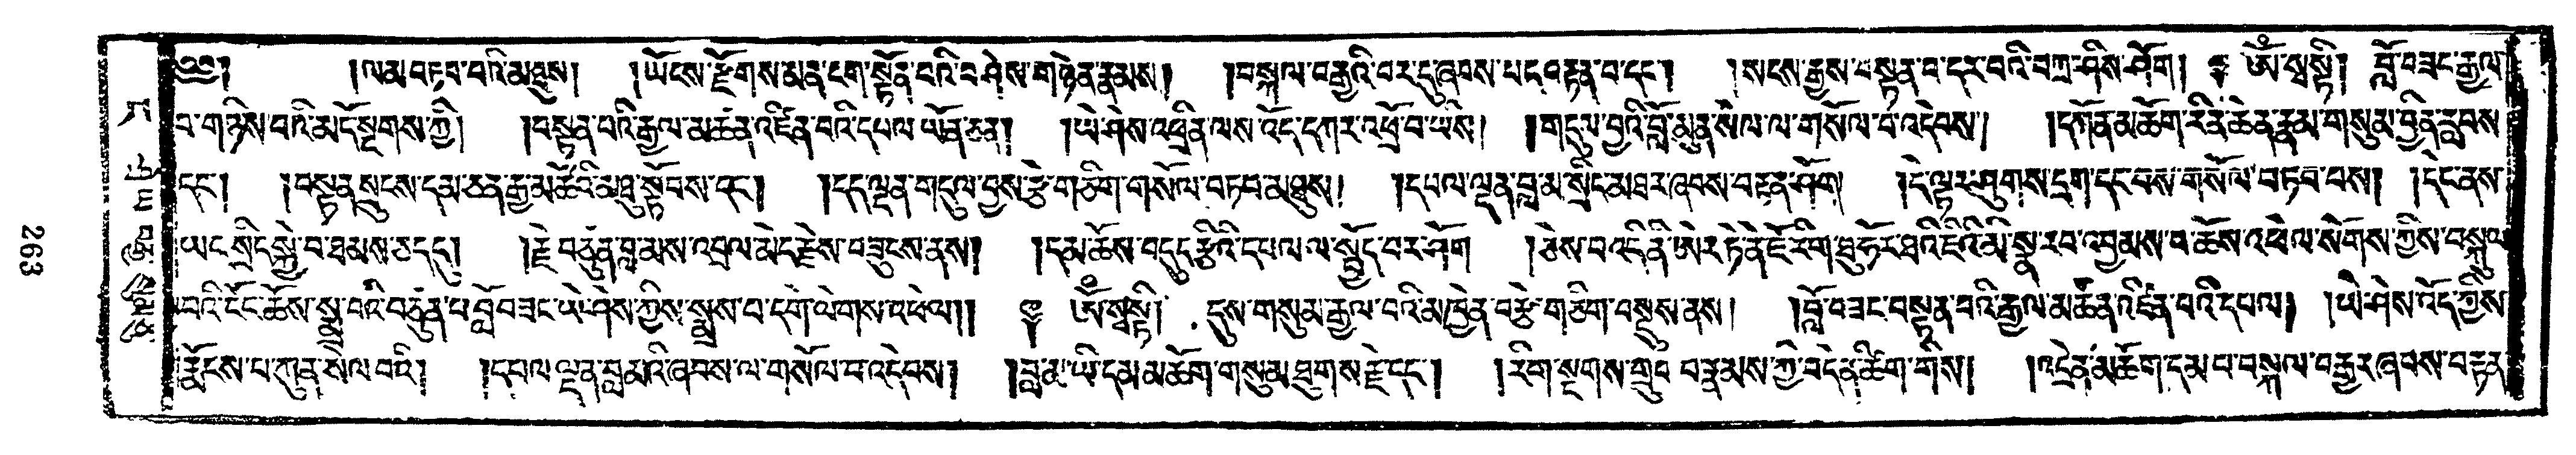༄༅། །ལམ་བཏབ་བའི་མཐུས། །ཡོངས་རྫོགས་མན་ངག་སྟོན་པའི་བཤེས་གཉེན་རྣམས། །བསྐལ་བརྒྱའི་བར་དུ་ཞབས་པད་བརྟན་པ་དང་། །སངས་རྒྱས་བསྟན་པ་དར་བའི་བཀྲ་ཤིས་ཤོག། ༈ ཨོཾ་སྭསྟི། བློ་བཟང་རྒྱལ་
བ་གཉིས་པའི་མདོ་སྔགས་ཀྱི། །བསྟན་པའི་རྒྱལ་མཚན་འཛིན་པའི་དཔལ་ཡོན་ཅན། །ཡེ་ཤེས་འཕྲིན་ལས་འོད་དཀར་འཕྲོ་བ་ཡིས། །གདུལ་བྱའི་བློ་མུན་སེལ་ལ་གསོལ་བ་འདེབས། །དཀོན་མཆོག་རིན་ཆེན་རྣམ་གསུམ་བྱིན་རླབས་
དང་། །བསྟན་སྲུངས་དམ་ཅན་རྒྱ་མཚོའི་མཐུ་སྟོབས་དང་། །དད་ལྡན་གདུལ་བྱས་རྩེ་གཅིག་གསོལ་བཏབ་མཐུས། །དཔལ་ལྡན་བླ་མ་སྲིད་མཐར་ཞབས་བརྟན་ཤོག །དེ་ལྟར་ཤུགས་དྲག་དང་བས་གསོལ་བཏབ་པས། །དེང་ནས་
ཡང་སྲིད་སྐྱེ་བ་ཐམས་ཅད་དུ། །རྗེ་བཙུན་བླ་མས་འབྲལ་མེད་རྗེས་བཟུངས་ནས། །དམ་ཆོས་བདུད་རྩིའི་དཔལ་ལ་སྤྱོད་བར་ཤོག །ཅེས་པ་འདི་ནི་ཨེར་ཏེ་ནི་ཇོ་རིག་ཐུ་ཧོར་ཐའི་ཇིའི་མི་སྣ་རབ་འབྱམས་བ་ཆོས་འཕེལ་སོགས་ཀྱིས་བསྐུལ་
བའི་ངོང་ཆོས་སྨྲ་བའི་བཙུན་པ་བློ་བཟང་ཡེ་ཤེས་ཀྱིས་སྨྲས་པ་དགེ་ལེགས་འཕེལ།། ༈ ཨོཾ་སྭསྟི། དུས་གསུམ་རྒྱལ་བའི་མཁྱེན་བརྩེ་གཅིག་བསྡུས་ནས། །བློ་བཟང་བསྟན་པའི་རྒྱལ་མཚན་འཛིན་པའི་དཔལ། །ཡེ་ཤེས་འོད་ཀྱིས་
རྨོངས་པ་ཀུན་སེལ་བའི། །དཔལ་ལྡན་བླ་མའི་ཞབས་ལ་གསོལ་བ་འདེབས། །བླ་མ་ཡི་དམ་མཆོག་གསུམ་ཐུགས་རྗེ་དང་། །རིག་སྔགས་གྲུབ་པ་རྣམས་ཀྱི་བདེན་ཚིག་གིས། །འདྲེན་མཆོག་དམ་པ་བསྐལ་བརྒྱར་ཞབས་བརྟན་